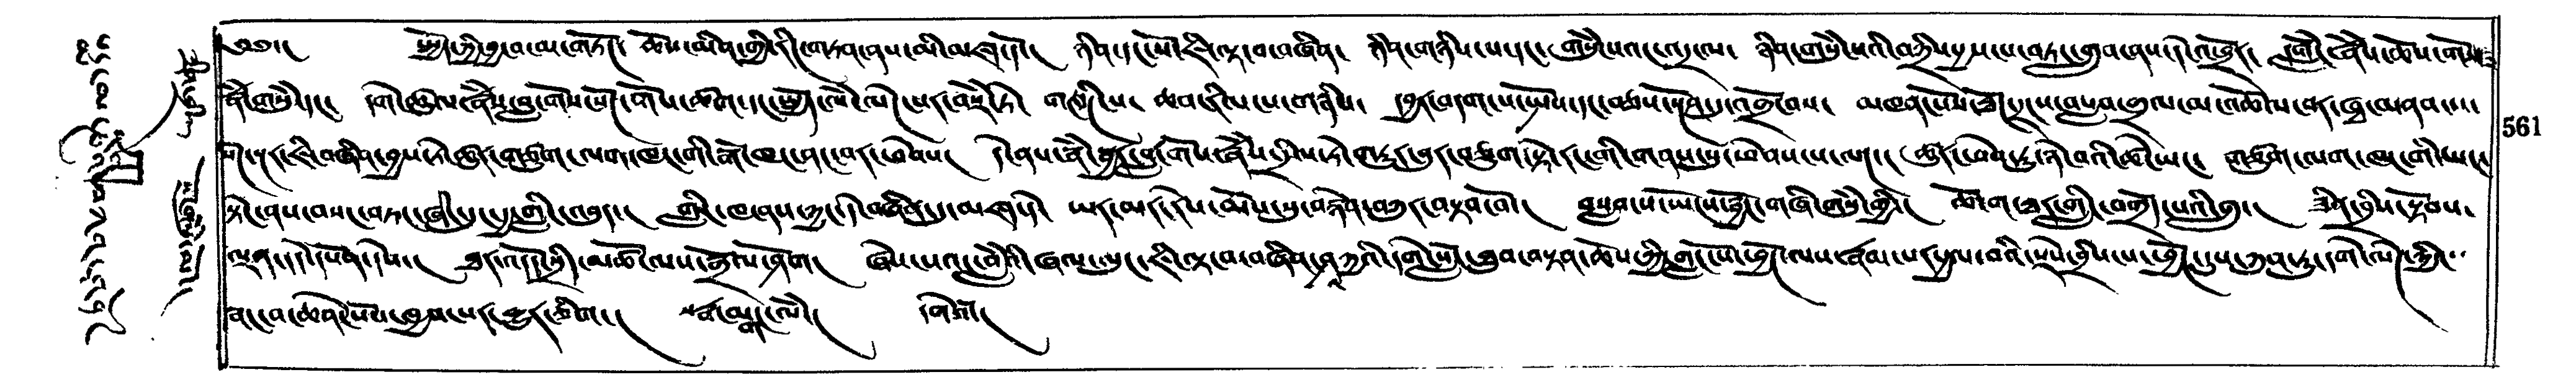སྤྱོད་ཀྱི་བྱ་བ་མ་གཏོགས་ཆོས་མིན་གྱི་རིགས་གཏན་ནས་མི་མཛད་དོ།། ཉིན་དང་པོ་ཇི་ལྟ་བ་བཞིན་ཉིན་གཉིས་པ་དང་གསུམ་པའང་འདྲ་ལ། ཉིན་གསུམ་པའི་བཀྲ་ཤིས་རྒྱས་པ་བཏང་གྲུབ་ནས་དེ་འཕྲོར། དགེ་སློང་རྣམས་ཆོས་གོས་
རྣམ་གསུམ་དང་། དགེ་ཚུལ་རྣམས་བླ་གོས་སོགས་གོས་ཚག་དང་སྤྱོད་ལམ་ལེགས་པར་བསྡམ་ཏེ། གཎྜི་པ། ཆབ་རིལ་པ་གཉིས། དབྱར་བདག་པ་སྤོས་དང་བཅས་སྔོན་དུ་འགྲོ་བས། མཁན་པོས་ཐོག་དྲངས་བསླབ་གྲལ་མ་འཆོལ་བར་ཞྭ་མནབ་པ་
སོགས་སྔར་ཇི་བཞིན་བྱས་ཏེ་ཚུར་གཙུག་ལག་ཁང་གི་སྒོ་ཁང་ནང་བར་ཕེབས། དེ་ནས་སྣམ་སྦྱར་བླ་གོས་རྣམས་དྲིལ་ཏེ་གཏུར་བུར་བཅུག་སྟེ་རང་གི་གནས་སུ་ཕེབས་པ་ལགས། ཚུར་ཕེབས་ཏུ་ཉེ་བའི་ཚེ་ཡང་། གཙུག་ལག་ཁང་གི་ཡང་
སྟེང་ནས་བསང་བཏང་ཞིང་དུང་རྒྱ་གླིང་འབུད། གླིང་ཁ་ནས་ཀྱང་དེ་བཞིན་དུ་མཛད་དེ། ཡར་མར་རེས་མོས་སུ་བསྙེན་བཀུར་བསྟབ་བོ། བསླབ་པ་ཡོངས་སྦྱོང་གཞི་གསུམ་གྱ།ི །ཆོ་ག་ཐར་གླིང་བགྲོད་པའི་གྲ།ུ །ཟིན་བྲིས་སྟོབས་
ལྡན་དེད་དཔོན་དེས། །ཐར་འདོད་སྲིད་མཚོ་ལས་སྒྲོལ་ཤོག ཅེས་པའམ་བླ་མའི་ཞལ་ལུང་ཇི་ལྟ་བ་བཞིན་ཤཱཀྱའི་དགེ་སློང་ཐུབ་བསྟན་ཆོས་ཀྱི་གླང་པོ་ཕྱོགས་ལས་རྣམ་པར་རྒྱལ་བའི་སྡེས་བྲིས་པ་ཕྱོགས་དུས་ཀུན་ཏུ་དགེ་ལེགས་ཀྱི་
སྣང་བ་ཆེན་པོས་ཁྱབ་པར་གྱུར་ཅིག སརྦ་མངྒ་ལཾ། དགེའོ།། །།